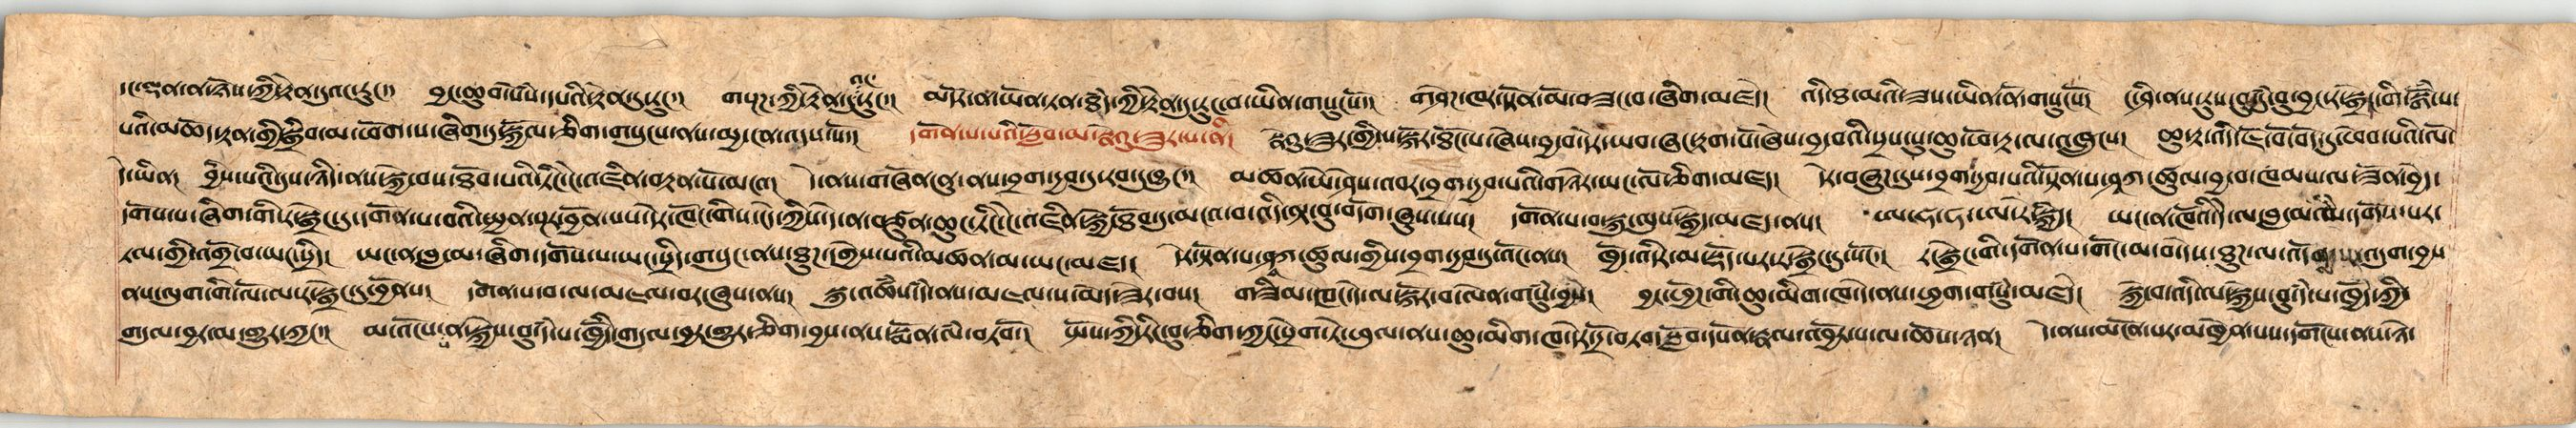དང་ལྡན་ན་ཉེས་ཀྱི་རྟེན་དུའང་རུང་། བྱང་ཆུབ་སེཾས་དཔའི་རྟེན་དུ་རུང་། གསྔཌ་ཀྱི་རྟེན་དུའང་རུང་། མདོར་ན་ཡོན་ཏན་ཐདཾ་ཀྱི་རྟེན་དུ་རུང་བ་ཡིན་གསུངསོ་། གཤེཌ་ཁར་སྟོན་མོ་བཟང་བ་ཞིག་མཛད། འདི་ཐ་མའི་ཟས་ཡིན་ནོ་གསུངསོ། ང་ཤི་ནས་རུས་བུ་དུཾ་བུ་བྱང་ར་སྒྲེང་སྒོཾ་པ་
པའི་མཆོད་རྟན་གྱི་སྒྲིབ་མ་ཕོག་པ་ཞིག་དུ་སྐྱོལ་ཅིག་གསུངས་ནས་མྱ་ངན་འདས་སོ་། དགོན་པ་པའི་སློབ་མ་སྣེའུ་ཟུར་པ་ནི། སྣེའུ་ཟེར་གྱི་པ་སྐོར་ཐོང་པ་ཞེས་བྱ་བ་དོར་ཡབ་ཞང་རྟག་པོ་ཞེས་བྱ་སྲས་སུ་ཆུ་ཕོ་རྟ་ལ་འཁྲུངས། ཆུ་རྟ་འདི་ཇོ་བོ་བོད་དུ་ཕེབས་པའི་ལོ
དེ་ཡིན། བྱིས་པའི་དུས་ཉིད་ནས་སྐྱེ་བས་ཐོབ་པའི་ཏིང་ངེ་འཛིན་བརྟན་པོ་མངའ། དེ་ནས་གཞོན་ནུ་ནས་བྲག་དྱབ་དུ་རབ་དུ་བྱུང་། མཚན་ཡེ་ཤེས་འབར་བྲག་དྱབ་པའི་གཉེར་ཡང་ལོ་ཅིག་མཛད། དེར་བཞུཌ་དུས་བྲག་དྱབ་པའི་སྟོན་པ་ཤཱཀ་ཚུལ་བྱ་བ་ཁམས་ལ་ཟོན་བྱེད་
དགོས་པ་ཞིག་གི་ར་སྒྲེང་དུ་དགོན་པ་བའི་སྤྱན་སྔར་བྱོན་པས་དེར་ཁོང་གིས་ངེད་ཀྱིས་དེ་ན་བཙུན་ཆུང་ཏིང་ངེ་འཛིན་སྐྱེ་ཐོབ་དུ་མངའ་བ་འདི་ལྟ་བུ་བདོག་ཞུས་པས། དགོན་པ་བ་སྐུ་ལུས་སྒྱེད་མཛད་ནས། ཨ་ཧ་ཧ་ཨ་རེ་སྐྱིད། ཡང་ན་ཁོའི་དེ་ལ་བླ་མ་མི་དགོས་པར་
ཏལ་གྱི་འགྲོ་བ་ཡང་སྲིད། ཡང་ན་བླ་མ་ཞིག་དགོས་པ་ཡང་སྲིད་གསུང་ནས་ཐུཌ་དགྱེས་པའི་མཚན་མ་ཡང་མཛད། དེར་སྟོན་པ་ཤཱཀ་ཚུལ་གྱིས་བྲག་དྱབ་དུ་འོང་ནས། ཁྱད་འདིར་མ་སྡོད་པར་ར་སྒྲེང་དུ་སོང་། ར་སྒྲེང་གི་དགོན་པ་གོང་མ་བ་དེས་ཐུཌ་ལ་འདོགས་པ་འདུག་བྱས་
ནས་ལུག་གི་ལོ་ལ་ར་སྒྲེང་དུ་བྱོནས། དགོན་པ་བ་ལ་མཇལ་བར་ཞུས་ནས། སྐུ་འཚཾས་དཾ་ནས་མཇལ་ས་མེད་ཟེར་བས། གཟིམ་ཁང་དེ་ལ་སྐོར་བ་ལེན་གསུཾ་བྱས། བྱང་ཕྱོཌ་གི་ཆུ་མིག་ཁ་དེ་ནས་ཕྱག་གསུཾ་མཛདེ། སྐྱེ་བ་འདི་ལ་སྐྱེས་བུ་དཾ་པ་ཁྱོད་ཀྱི་
གདུལ་བྱར་མ་གྱུར་ཀྱང་། མ་འོངས་པ་ན་སྐྱེས་བུ་དཾ་པ་ཁྱོདི་གདུལ་བྱར་གྱུར་ཅིག་བྱས་ནས་སྨོན་ལཾ་བཏབོ། སྤོས་ཀྱི་རིང་བུ་ཅིག་ཀྱང་སྲེག་ཏེ་ཕུལ་ནས་ཆུ་མིག་ཁ་དེར་དྲོ་བཏབ་སློབ་དཔོན་རྣལ་འབྱོར་པ་ལ་ཆོས་ཉན། དེ་ནས་མངོན་པར་མཁྱེན་པས་དགོངས་ནས་ཉེ་